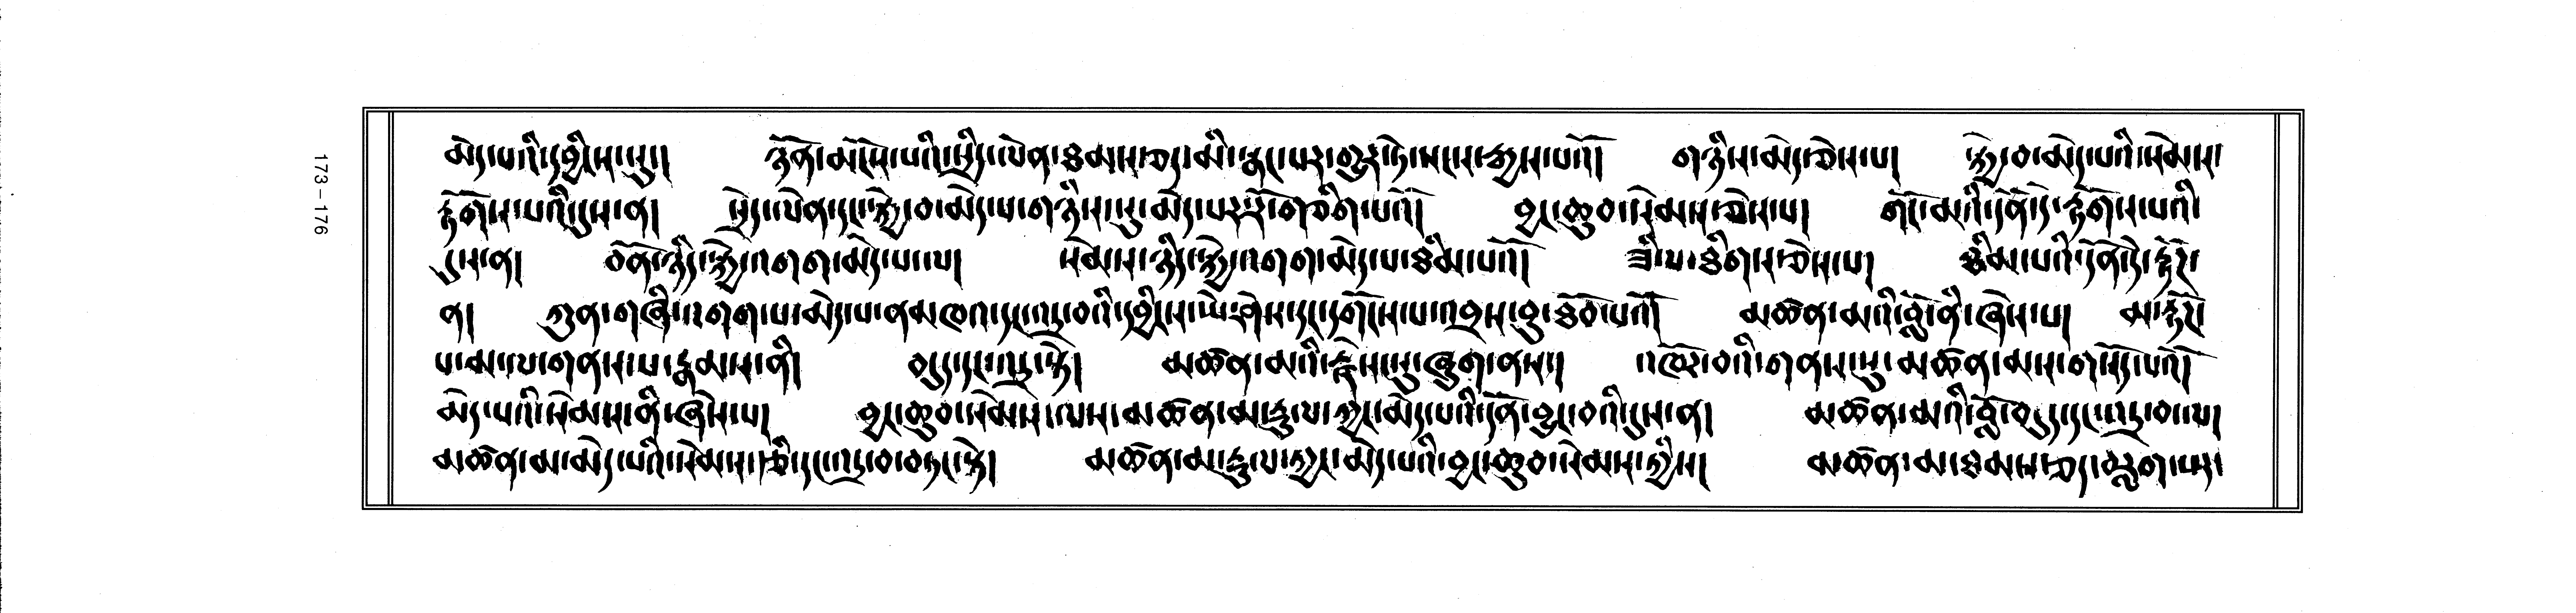མེད་པའི་དབྱིངས་སུ་ཉོན་མོངས་པའི་སྲེད་ལེན་ཐམས་ཅད་མི་སྣང་བར་གྱུར་ཏེ་སངས་རྒྱས་པའོ། །གཉིས་མེད་ཅེས་པ། སྐྱེ་བ་མེད་པའི་སེམས་
རྟོགས་པའི་དུས་ན། སྲེད་ལེན་དང་སྐྱེ་བ་མེད་པ་གཉིས་སུ་མེད་དེ་རོ་གཅིག་པའོ། །བྱང་ཆུབ་སེམས་ཅེས་པ་གོང་མའི་དོན་དེ་རྟོགས་པའི་
དུས་ན། བོན་ཉིད་སྐྱེ་འགག་མེད་པ་ལ། སེམས་ཉིད་སྐྱེ་འགག་མེད་པ་ཐིམ་པའོ། །ཟིལ་ཐིགས་ཅེས་པ། ཐིམ་པའི་དོན་དེ་རྟོགས་
ན། ཀུན་གཞི་འགག་པ་མེད་པ་ནམ་མཁའ་དང་འདྲ་བའི་དབྱིངས་ཡེ་ཤེས་དགོངས་པ་འབྲས་བུ་ཐོབ་པའོ། །མཚན་མའི་བློ་ནི་ཞེས་པ། མ་རྟོགས་
པ་མཚན་མ་ལ་གནས་པ་རྣམས་ནི། བདུད་དང་འདྲ་སྟེ། མཚན་མའི་རྗེས་སུ་ཞུགས་ནས། འཁོར་བའི་གནས་སུ་མཚན་མས་གསོད་པའོ། །
མེད་པའི་སེམས་ནི་ཅེས་པ། བྱང་ཆུབ་སེམས་ལས་མཚན་མ་རྡུལ་ཀྱང་མེད་པའི་དོན་བྱུང་བའི་དུས་ན། མཚན་མའི་བློ་བདུད་དང་འདྲ་བ་ལ། 
མཚན་མ་མེད་པའི་སེམས་རྩི་དང་འདྲ་བ་བཏང་སྟེ། མཚན་མ་རྡུལ་ཀྱང་མེད་པའི་བྱང་ཆུབ་སེམས་ཀྱིས་མཚན་མ་ཐམས་ཅད་བརླག་པར་